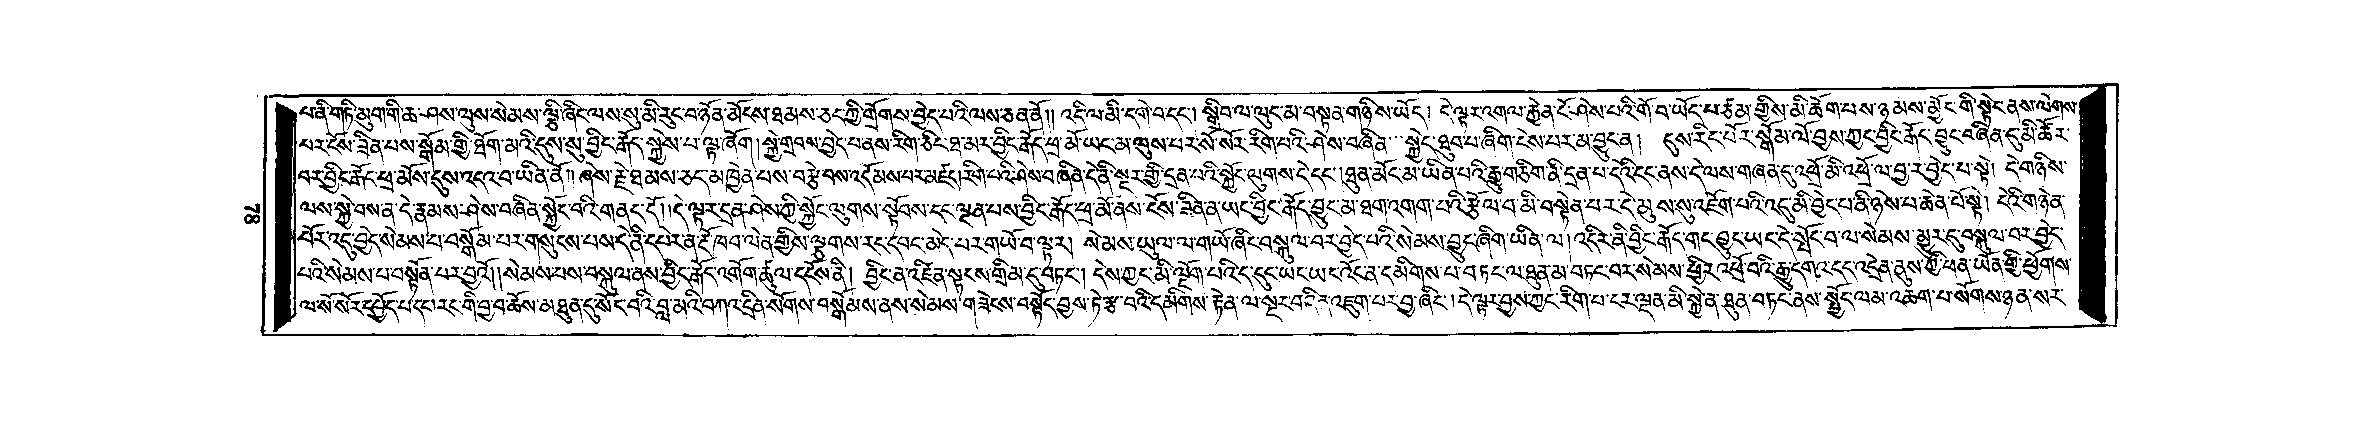པ་ནི་གཏི་མུག་གི་ཆ་ཤས་ལུས་སེམས་ལྕི་ཞིང་ལས་སུ་མི་རུང་བ་ཉོན་མོངས་ཐམས་ཅད་ཀྱི་གྲོགས་བྱེད་པའི་ལས་ཅན་ནོ། །འདི་ལ་མི་དགེ་བ་དང་། སྒྲིབ་ལ་ལུང་མ་བསྟན་གཉིས་ཡོད། དེ་ལྟར་འགལ་རྐྱེན་ངོ་ཤེས་པའི་གོ་བ་ཡོད་པ་ཙམ་གྱིས་མི་ཆོག་པས་ཉམས་མྱོང་གི་སྟེང་ནས་ལེགས་
པར་ངོས་ཟིན་པས་སྒོམ་གྱི་ཐོག་མའི་དུས་སུ་བྱིང་རྒོད་སྐྱེས་པ་ལྟ་ཞོག །སྐྱེ་གྲབས་བྱེད་པ་ནས་རིག་ཅིང་ཐ་མར་བྱིང་རྒོད་ཕྲ་མོ་ཡང་མ་ལུས་པར་སོ་སོར་རིག་པའི་ཤེས་བཞིན་སྐྱེད་ཐུབ་པ་ཞིག་ངེས་པར་མ་བྱུང་ན། དུས་རིང་པོར་སྒོམ་ལོ་བྱས་ཀྱང་བྱིང་རྒོད་བྱུང་བཞིན་དུ་མི་ཚོར་
བར་བྱིང་རྒོད་ཕྲ་མོས་དུས་འདའ་བ་ཡིན་ནོ། །ཞེས་རྗེ་ཐམས་ཅད་མཁྱེན་པས་བརྩེ་བས་འདོམས་པར་མཛད། རིག་པའི་ཤེས་བཞིན་དེ་ནི་སྔར་གྱི་དྲན་པའི་སྐྱོང་ལུགས་དེ་དང་། ཐུན་མོང་མ་ཡིན་པའི་རྒྱུ་གཅིག་ནི་དྲན་པ་དེའི་ངང་ནས་དེ་ལས་གཞན་དུ་འཕྲོ་མི་འཕྲོ་ལ་བྱ་ར་བྱེད་པ་སྟེ། དེ་གཉིས་
ལས་སྐྱེ་བས་ན་དེ་རྣམས་ཤེས་བཞིན་སྐྱོང་བའི་གནད་དོ། །དེ་ལྟར་དྲན་ཤེས་ཀྱི་སྐྱོང་ལུགས་སྟོབས་དང་ལྡན་པས་བྱིང་རྒོད་ཕྲ་མོ་ནས་ངོས་ཟིན་ན་ཡང་བྱིང་རྒོད་བྱུང་མ་ཐག་འགག་པའི་རྩོལ་བ་མི་བསྟེན་པར་དེ་མུས་སུ་འཇོག་པའི་འདུ་མི་བྱེད་པ་ནི་ཉེས་པ་ཆེན་པོ་སྟེ། དེའི་གཉེན་
པོར་འདུ་བྱེད་སེམས་པ་བསྒོམ་པར་གསུངས་པས་དེ་ནི་དཔེར་ན་རྡོ་ཁབ་ལེན་གྱིས་ལྕགས་རང་དབང་མེད་པར་གཡོ་བ་ལྟར། སེམས་ཡུལ་ལ་གཡོ་ཞིང་བསྐུལ་བར་བྱེད་པའི་སེམས་བྱུང་ཞིག་ཡིན་ལ། འདིར་ནི་བྱིང་རྒོད་གང་བྱུང་ཡང་དེ་སྤོང་བ་ལ་སེམས་མྱུར་དུ་བསྐུལ་བར་བྱེད་པའི་སེམས་པ་བསྟོན་པར་བྱའོ། །སེམས་པས་བསྐུལ་ནས་བྱིང་རྒོད་འགོག་ཚུལ་དངོས་ནི། བྱིང་ན་འཛིན་སྟངས་གྲིམ་དུ་བཏང་། དེས་ཀྱང་མི་ལྡོག་པའི་ད་དུང་ཡང་ཡང་འོང་ན་དམིགས་པ་བཏང་ལ་ཐུན་མ་བཏང་བར་སེམས་ཕྱིར་འཕྲོ་བའི་རྒྱུ་དགའ་དད་འདྲེན་ནུས་ཀྱི་ཕན་ཡོན་གྱི་ཕྱོགས་
ལ་སོ་སོར་དཔྱོད་པ་དང་། རང་གི་བྱ་བ་ཆོས་མཐུན་དུ་སོང་བའི་བླ་མའི་བཀའ་དྲིན་སོགས་བསྒོམས་ནས་སེམས་གཟེངས་བསྟོད་བྱས་ཏེ་རྩ་བའི་དམིགས་རྟེན་ལ་སྔར་བཞིན་འཇུག་པར་བྱ་ཞིང་། དེ་ལྟར་བྱས་ཀྱང་རིག་པ་ངར་ལྡན་མི་སྐྱེ་ན་ཐུན་བཏང་ནས་སྤྱོད་ལམ་འཆག་པ་སོགས་ཉན་སར་